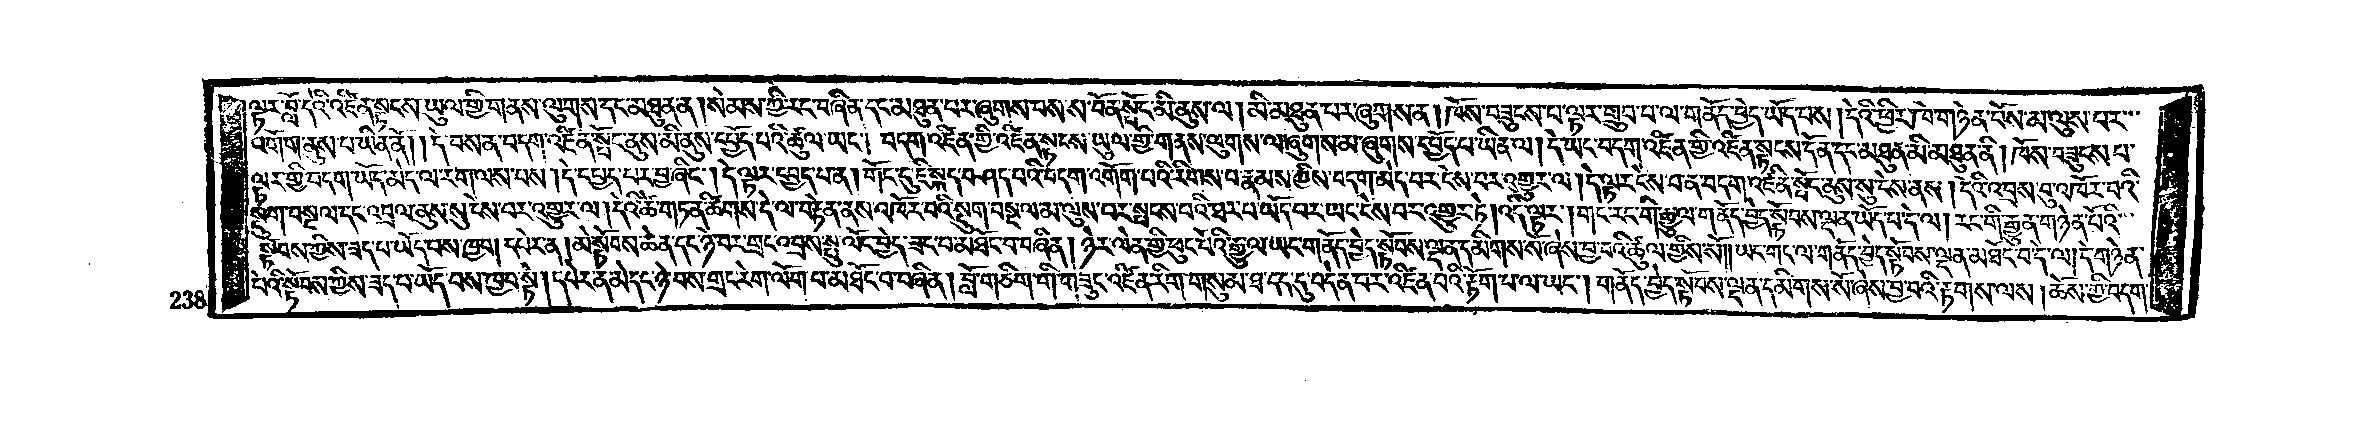ལྟར་བློ་དེའི་འཛིན་སྟངས་ཡུལ་གྱི་གནས་ལུགས་དང་མཐུན་ན། སེམས་ཀྱི་རང་བཞིན་དང་མཐུན་པར་ཞུགས་པས་ས་བོན་སྤོང་མི་ནུས་ལ། མི་མཐུན་པར་ཞུགས་ན། ཁོས་བཟུངས་པ་ལྟར་གྲུབ་པ་ལ་གནོད་བྱེད་ཡོད་པས། དེའི་ཕྱིར་ཁོ་གཉེན་པོས་མ་ལུས་པར་
འགོག་ནུས་པ་ཡིན་ནོ། །དེ་བས་ན་བདག་འཛིན་སྤོང་ནུས་མི་ནུས་དཔྱོད་པའི་ཚུལ་ཡང་། བདག་འཛིན་གྱི་འཛིན་སྟངས་ཡུལ་གྱི་གནས་ལུགས་ལ་ཞུགས་མ་ཞུགས་དཔྱོད་པ་ཡིན་ལ། དེ་ཡང་བདག་འཛིན་གྱི་འཛིན་སྟངས་དོན་དང་མཐུན་མི་མཐུན་ནི། ཁོས་བཟུངས་པ་
ལྟར་གྱི་བདག་ཡོད་མེད་ལ་རག་ལས་པས། དེ་དཔྱད་པར་བྱ་ཞིང་།དེ་ལྟར་དཔྱད་པ་ན། གོང་དུ་ཇི་སྐད་བཤད་པའི་བདག་འགོག་པའི་རིགས་པ་རྣམས་ཀྱིས་བདག་མེད་པར་ངེས་པར་འགྱུར་ལ། དེ་ལྟར་ངེས་པ་ན་བདག་འཛིན་སྤོང་ནུས་སུ་ངེས་ནས། དེའི་འབྲས་བུ་འཁོར་བའི་
སྡུག་བསྔལ་དང་འབྲལ་ནུས་སུ་ངེས་པར་འགྱུར་ལ། དེའི་ཚེ་གཏན་ཚིགས་དེ་ལ་བརྟེན་ནས་འཁོར་བའི་སྡུག་བསྔལ་མ་ལུས་པར་སྤངས་པའི་ཐར་པ་ཡོད་པར་ཡང་ངེས་པར་འགྱུར་ཏེ། འདི་ལྟར། གང་རང་གི་རྒྱུ་ལ་གནོད་བྱེད་སྟོབས་ལྡན་ཡོད་པ་དེ་ལ། རང་གི་རྒྱུན་གཉེན་པོའི་
སྟོབས་ཀྱིས་ཟད་པ་ཡོད་པས་ཁྱབ། དཔེར་ན། མེ་སྟོབས་ཆེན་དང་ཉེ་བར་གྲང་འབྲས་སྤུ་ལོང་བྱེད་ཟང་པ་མཐོང་བ་བཞིན། ཉེར་ལེན་གྱི་ཕུང་པོའི་རྒྱུ་ལ་ཡང་གནོད་བྱེད་སྟོབས་ལྡན་དམིགས་སོ་ཞེས་བྱ་བའི་ཚུལ་གྱིས་སོ། །ཡང་གང་ལ་གནོད་བྱེད་སྟོབས་ལྡན་མཐོང་བ་དེ་ལ། དེ་གཉེན་
པའི་སྟོབས་ཀྱིས་ཟད་པ་ཡོད་པས་ཁྱབ་སྟེ། དཔེར་ན་མེ་དང་ཉེ་བས་གྲང་རེག་ལོག་པ་མཐོང་བ་བཞིན། བློ་གཅིག་གི་གཟུང་འཛིན་རིག་གསུམ་ཐ་དད་དུ་བདེན་པར་འཛིན་པའི་རྟོག་པ་ལ་ཡང་། གནོད་བྱེད་སྟོབས་ལྡན་དམིགས་སོ་ཞེས་བྱ་བའི་རྟགས་ལས། ཆོས་ཀྱི་བདག་